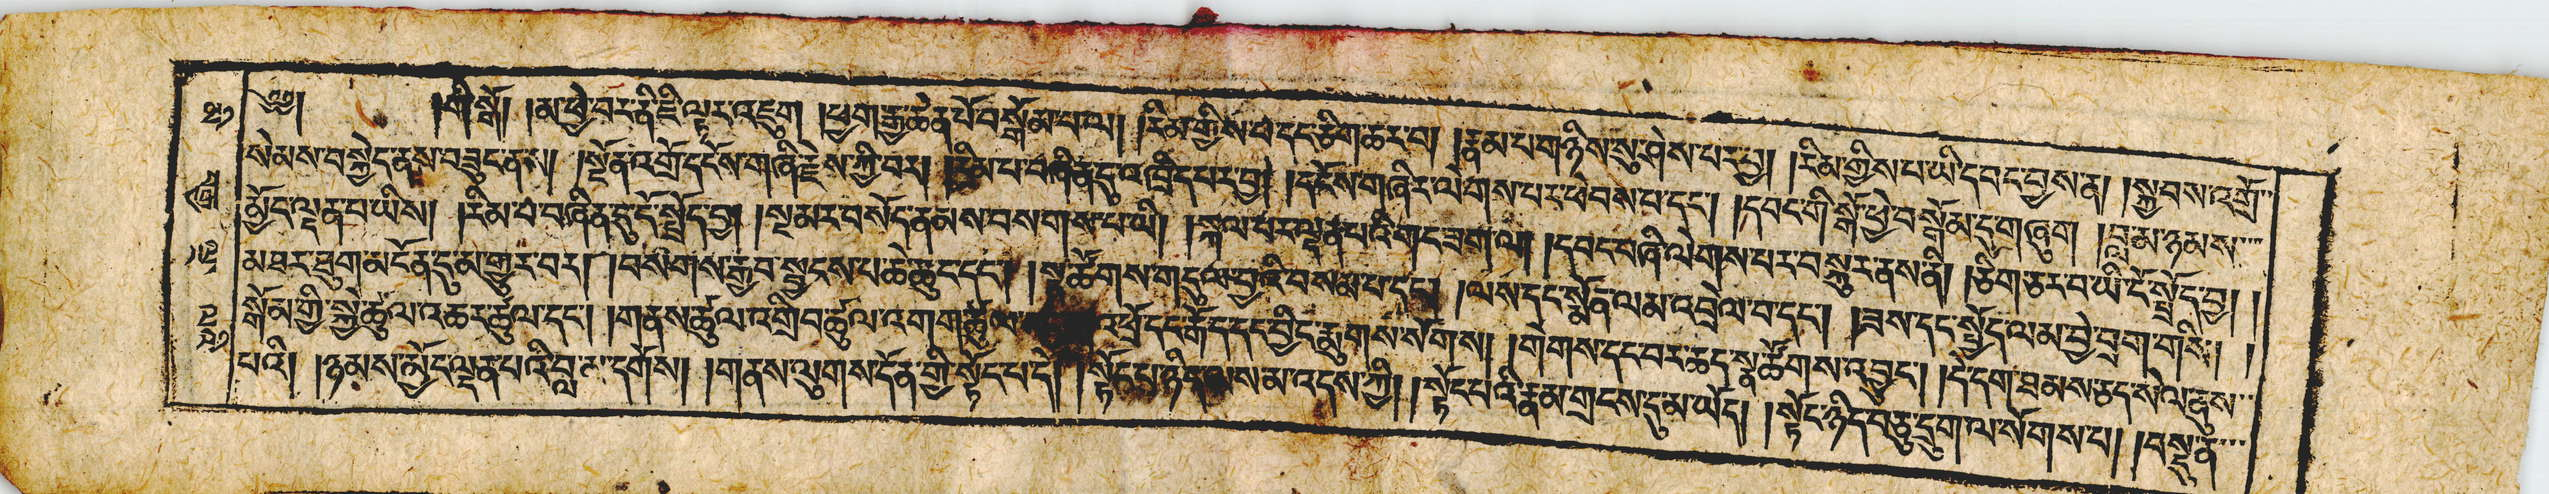།གི་སྒོ། །མ་ཕྱེ་བར་ནི་ཇི་ལྟར་འཇུག །ཕྱག་རྒྱ་ཆེན་པོ་བསྒོམ་པ་ལ། །རིམ་གྱིས་པ་དང་ཅིག་ཆར་བ། །རྣམ་པ་གཉིས་སུ་ཤེས་པར་བྱ། །རིམ་གྱིས་པ་ཡི་དབང་བྱས་ན། །སྐྱབས་འགྲོ་
སེམས་བསྐྱེད་ནས་བཟུང་ནས། །སྔོན་འགྲོ་དངོས་གཞི་རྗེས་ཀྱི་བར། །རིམ་པ་བཞིན་དུ་འཁྲིད་པར་བྱ། །དངོས་གཞིར་ལེགས་པར་ཕེབས་པ་དང་། །དབང་གི་སྒོ་ཕྱེ་བསྒྲོམ་དུ་གཞུག །བླ་མ་ཉམས་
མྱོང་ལྡན་པ་ཡིས། །རིམ་པ་བཞིན་དུ་ངོ་སྤྲོད་བྱ། །སྔ་མར་བསོད་ནམས་བསགས་པ་ཡི། །སྐལ་པར་ལྡན་པའི་གང་ཟག་ལ། །དབང་བཞི་ལེགས་པར་བསྐུར་ནས་ནི། །ཅིག་ཅར་བ་ཡི་ངོ་སྤྲོད་བྱ། །
མཐར་ཐུག་མངོན་དུ་མ་གྱུར་བར། །བསགས་རྒྱབ་སྦྱངས་པ་ཆེ་ཆུང་དང་།སྣ་ཚོགས་གདུལ་བྱའི་བསམ་པ་དང་། །ལས་དང་སྨོན་ལམ་འབྲེལ་བ་དང་། །ཟས་དང་སྤྱོད་ལམ་བྱེ་བྲག་གོས། །
སྒོམ་གྱི་སྐྱེ་ཚཱུལ་འཆར་ཚུལ་ད་ང། །གནས་ཚུལ་འགྲིབ་ཚུལ་འགག་ཚུལ་ ། །འཕྲོ་དང་རྒོད་དང་བྱིང་རྨུས་སོགས། །གེགས་དང་བར་ཆད་སྣ་ཚོགས་འབྱུང་། །དེ་དག་ཐམས་ཅད་སེལ་ནུས་
པའི། །ཉམས་མྱོང་ལྡན་པའི་བླ་མ་དགོས། །གནས་ལུགས་དོན་གྱི་སྟོང་པ་དེ། ། སྟོང་པ་ཉིད་ལས་མ་འདས་ཀྱི། །སྟོང་པའི་རྣམ་གྲངས་དུ་མ་ཡོད། །སྟོང་ཉིད་བཅུ་དྲུག་ལ་སོགས་པ། །བསྡུ་ན་